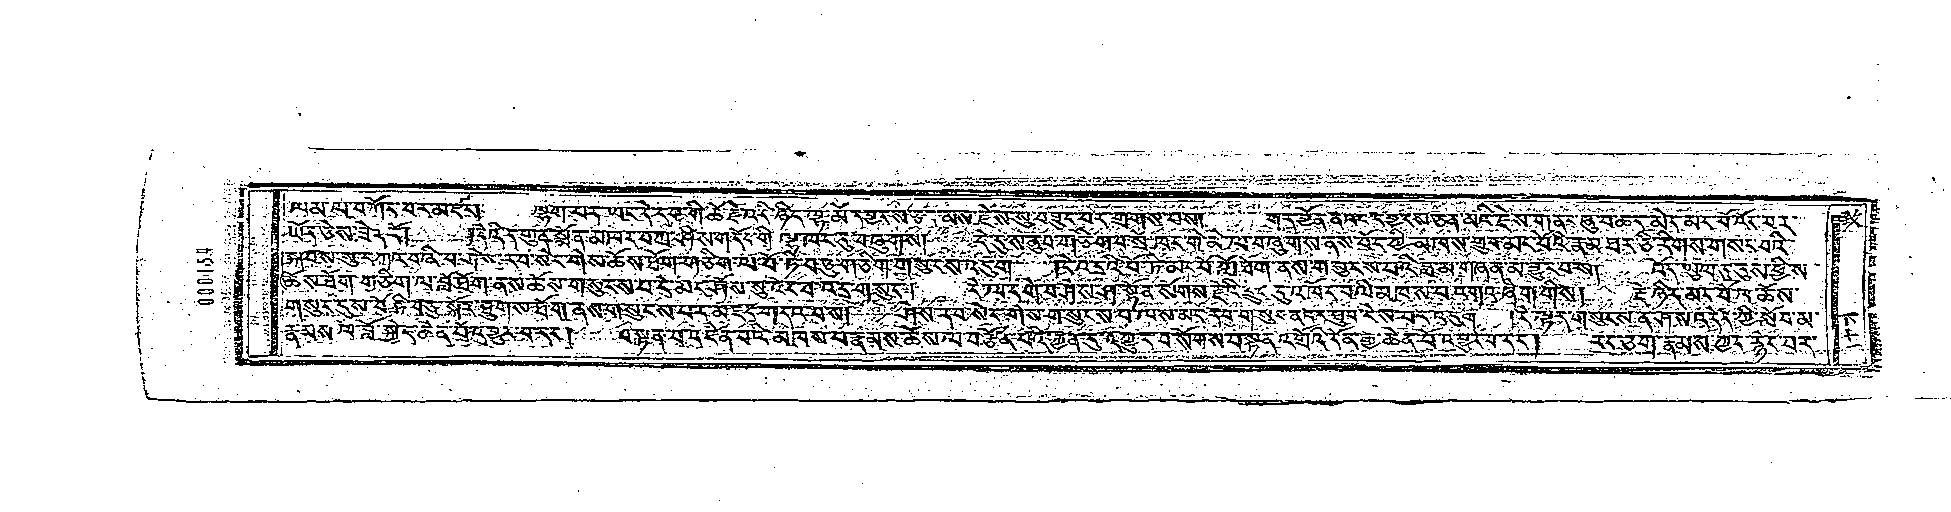ལམ་ལ་བཀོད་བར་མཛད། ལྷག་པར་ཡང་དེ་དག་གི་ཚེ་རྗེ་འདི་ཉིད་ལྷ་མོ་དབྱངས་ཅན་མས་རྗེས་སུ་བཟུང་བར་གྲགས་པས། གར་བྱོན་ནའང་དབྱངས་ཅན་མའི་རྗེས་གནང་ཞུ་བ་ཆད་མེད་མང་པོ་འོད་བར་
ཡོད་ཅེས་ཟེར་རོ། །དེའི་དགུན་སྨོན་མཁར་བཀྲ་ཤིས་གདོང་གི་ལྷ་ཁང་དུ་བཞུགས། དེ་དུས་ནུབ་གཅིག་བསྲོ་ཁང་གི་མེ་ལ་བཞུགས་ནས་བོད་ཀྱི་མཁས་གྲུབ་མང་པོའི་རྣམ་ཐར་ཅི་རིགས་གསུང་བའི་
སྐབས་སུ་དཀའ་བཞི་པ་ཤེས་རབ་སེང་གེས་ཆོས་ཐོག་གཅིག་ལ་བོ་ཏི་བཅུ་གཅིག་གསུངས་འདུག །དེ་འདྲའི་བོ་ཏི་མང་པོ་གློ་ཐོག་ནས་གསུངས་པའི་བླ་མ་གཞན་མ་བྱུང་བས། བོད་ཡུལ་དུ་དུས་ཕྱིས་
ཆོས་ཐོག་གཅིག་ལ་བློ་ཐོག་ནས་ཆོས་གསུངས་བ་དེ་མང་ཤོས་སུ་འོད་བ་འདྲ་གསུང་། དེ་ལ་དགེ་བཤེས་ཤ་སྟོན་སོགས་རྗེའི་དྲུང་དུ་འཁོར་བའི་མཁས་པ་འགའ་ཞིག་གིས། རྗེ་ཉིད་མང་པོ་ལ་ཆོས་
གསུང་དུས་བོ་ཏི་བཅུ་སྐོར་ཐུགས་ཐོག་ནས་གསུངས་པར་མཛད་གདའ་བས། ཤེས་རབ་སེང་གེས་གསུངས་བ་ལས་མང་རབ་གསུང་ནའང་ཐུབ་ངེས་བར་འདུག །དེ་ལྟར་གསུངས་ན་ཤེས་འདོད་ཀྱི་སློབ་མ་
རྣམས་ལ་བློ་སྐྱེད་ཆེན་པོའི་བྱུང་པ་དང་། བསྟན་པ་འཛིན་པའི་མཁས་པ་རྣམས་ཆོས་ལ་བརྩོན་པའི་རྐྱེན་དུ་འགྱུར་བ་སོགས་བསྟན་འགྲོའི་དོན་རྒྱ་ཆེན་པོ་འབྱུང་བ་དང་། རང་ཅག་རྣམས་ཀྱང་རྙེད་བར་